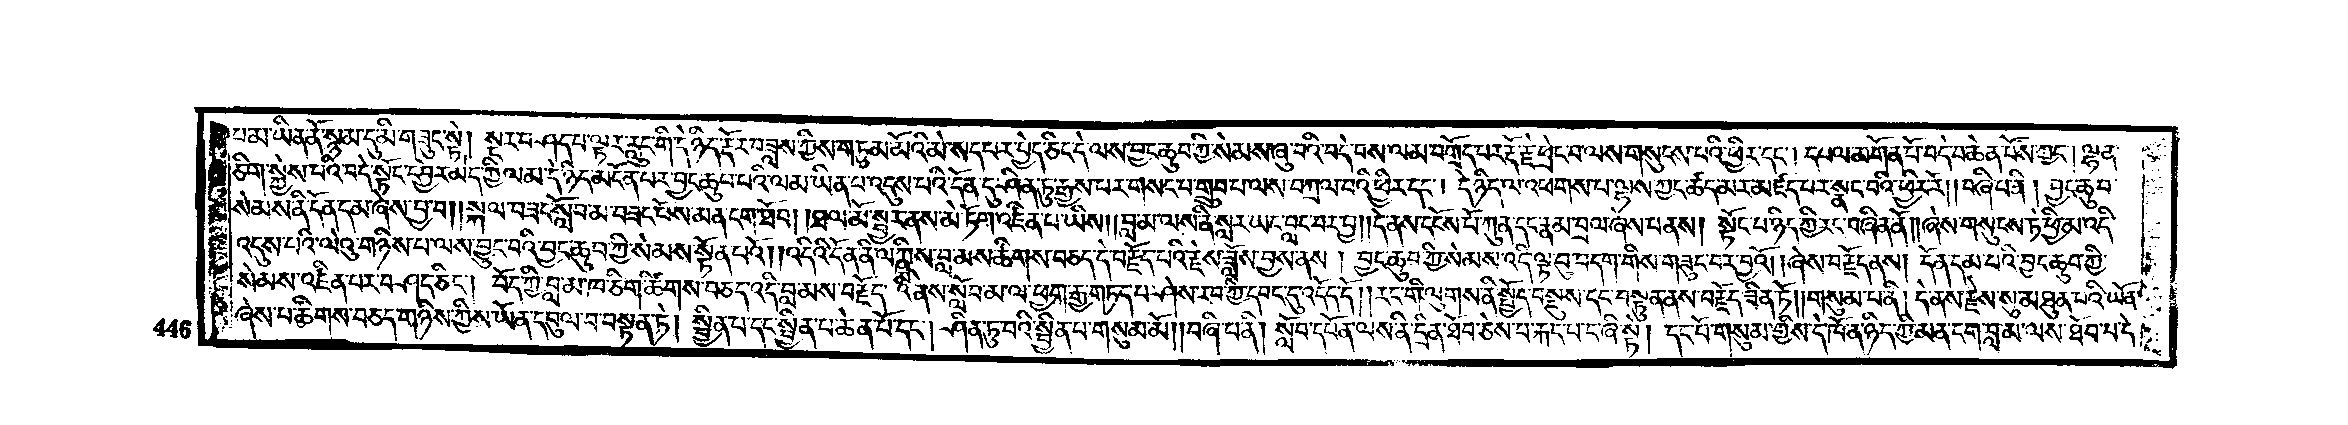པ་མ་ཡིན་ནོ་སྙམ་དུ་མི་གཟུང་སྟེ། སྔར་བཤད་པ་ལྟར་རླུང་གི་དེ་ཉིད་རྡོར་བཟླས་ཀྱིས་གཏུམ་མོའི་མེ་སད་པར་བྱེད་ཅིང་དེ་ལས་བྱང་ཆུབ་ཀྱི་སེམས་ཞུ་བའི་བདེ་བས་ལམ་བགྲོད་པར་རྡོ་རྗེ་ཕྲེང་བ་ལས་གསུངས་པའི་ཕྱིར་དང་། དཔལ་མགོན་པོ་བདེ་བ་ཆེན་པོས་ཀྱང་། ལྷན་
ཅིག་སྐྱེས་པའི་བདེ་སྟོང་དབྱེར་མེད་ཀྱི་ལམ་དེ་ཉིད་མངོན་པར་བྱང་ཆུབ་པའི་ལམ་ཡིན་པ་འདུས་པའི་དོན་དུ་ཤིན་ཏུ་རྒྱས་པར་གསང་བ་གྲུབ་པ་ལས་བཀྲལ་བའི་ཕྱིར་དང་། དེ་ཉིད་ལ་འཕགས་པ་ལྷས་ཀྱང་ཚད་མར་མཛད་པར་སྣང་བའི་ཕྱིར་རོ། །བཞི་པ་ནི། བྱང་ཆུབ་
སེམས་ནི་དོན་དམ་ཞེས་བྱ་བ། །སྐལ་བཟང་སློབ་མ་བཟང་པོས་མན་ངག་ཐོབ། །ཐལ་མོ་སྦྱར་ནས་མེ་ཏོག་འཛིན་པ་ཡིས། །བླ་མ་ལས་ནི་སླར་ཡང་བླང་བར་བྱ། །དེ་ནས་དངོས་པོ་ཀུན་དང་རྣམ་བྲལ་ཞེས་པ་ནས། སྟོང་པ་ཉིད་ཀྱི་རང་བཞིན་ནོ། །ཞེས་གསུངས་ཏེ་ཕྱི་མ་འདི་
འདུས་པའི་ལེའུ་གཉིས་པ་ལས་བྱུང་བའི་བྱང་ཆུབ་ཀྱི་སེམས་སྟོན་པའོ། །འདིའི་དོན་ནི་ལཀྵྨཱིས་བླ་མས་ཚིགས་བཅད་དེ་བརྗོད་པའི་རྗེས་ཟློས་བྱས་ནས། བྱང་ཆུབ་ཀྱི་སེམས་འདི་ལྟ་བུ་བདག་གིས་གཟུང་བར་བྱའོ། །ཞེས་བརྗོད་ནས། དོན་དམ་པའི་བྱང་ཆུབ་ཀྱི་
སེམས་འཛིན་པར་བཤད་ཅིང་། བོད་ཀྱི་བླ་མ་ཁ་ཅིག་ཚིགས་བཅད་འདི་བླ་མས་བརྗོད་ནས་སློབ་མ་ལ་ཕྱག་རྒྱ་གཏད་པ་ཤེས་རབ་ཀྱི་དབང་དུ་འདོད་དོ། །རང་གི་ལུགས་ནི་སྤྱོད་བསྡུས་དང་བསྟུན་ནས་བརྗོད་ཟིན་ཏོ། །གསུམ་པ་ནི། དེ་ནས་རྗེས་སུ་མཐུན་པའི་ཡོན།
ཞེས་པ་ཚིགས་བཅད་གཉིས་ཀྱིས་ཡོན་དབུལ་བ་བསྟན་ཏེ། སྦྱིན་པ་དང་སྦྱིན་པ་ཆེན་པོ་དང་། ཤིན་ཏུ་བའི་སྦྱིན་པ་གསུམ་མོ། །བཞི་པ་ནི། སློབ་དཔོན་ལས་ནི་དྲིན་ཐོབ་ཅེས་པ་རྐང་པ་བཞི་སྟེ། དང་པོ་གསུམ་གྱིས་དེ་ཁོ་ན་ཉིད་ཀྱི་མན་ངག་བླ་མ་ལས་ཐོབ་པ་དེ་